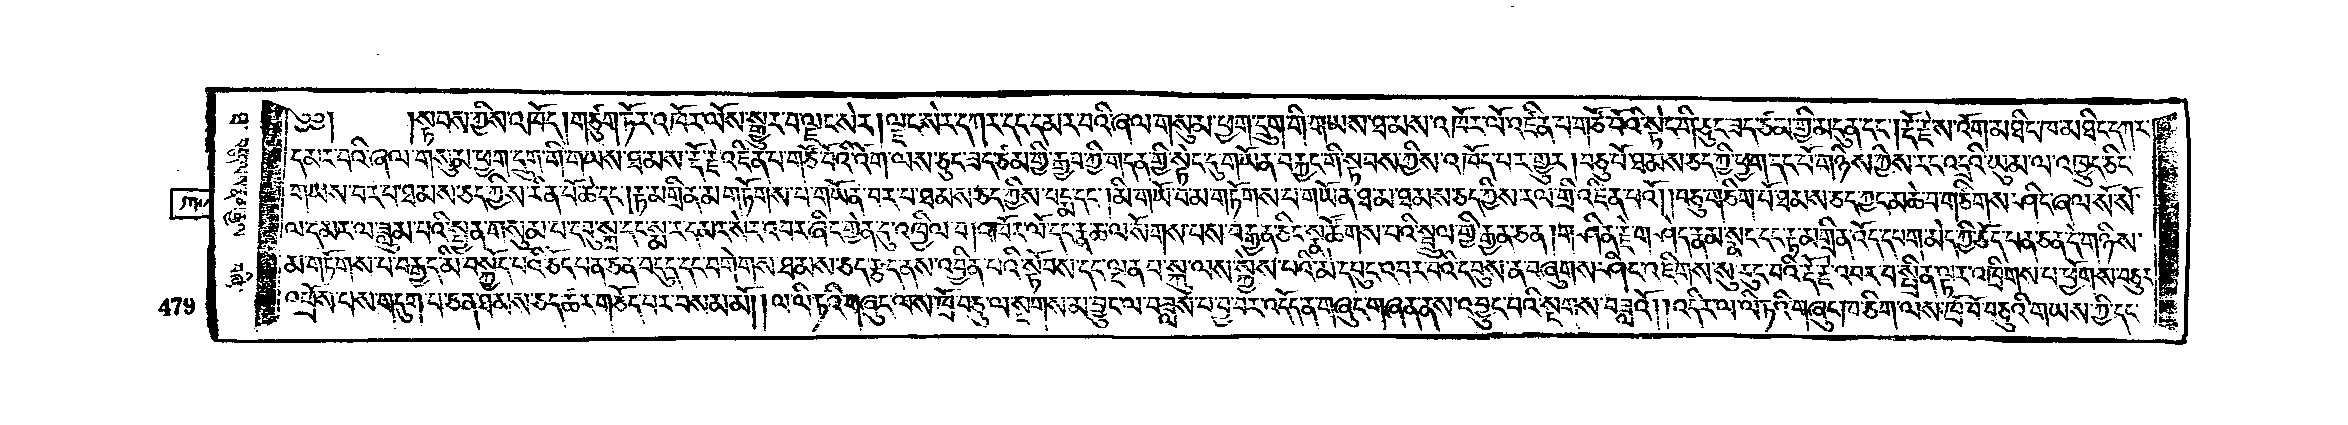༄༅། །སྟབས་ཀྱིས་འཁོད། གཙུག་ཏོར་འཁོར་ལོས་སྒྱུར་བ་ལྗང་སེར། ལྗང་སེར་དཀར་དང་དམར་བའི་ཞལ་གསུམ་ཕྱག་དྲུག་གི་གཡས་ཐ་མས་འཁོར་ལོ་འཛིན་པ་གཙོ་བོའི་སྟེང་གི་ཅུང་ཟད་ཙམ་གྱི་མདུན་དང་། རྡོ་རྗེ་ས་འོག་མཐིང་ཁ་མཐིང་དཀར་
དམར་བའི་ཞལ་གསུམ་ཕྱག་དྲུག་གི་གཡས་ཐ་མས་རྡོ་རྗེ་འཛིན་པ་གཙོ་བོའི་འོག་ལས་ཅུང་ཟད་ཙམ་གྱི་རྒྱབ་ཀྱི་གདན་གྱི་སྟེང་དུ་གཡོན་བརྐྱང་གི་སྟབས་ཀྱིས་འཁོད་པར་གྱུར། བཅུ་པོ་ཐམས་ཅད་ཀྱི་ཕྱག་དང་པོ་གཉིས་ཀྱིས་རང་འདྲའི་ཡུམ་ལ་འཁྱུད་ཅིང་
གཡས་བར་པ་ཐམས་ཅད་ཀྱིས་རིན་པོ་ཆེ་དང་། རྟ་མགྲིན་མ་གཏོགས་པ་གཡོན་བར་པ་ཐམས་ཅད་ཀྱིས་པདམ་དང་། མི་གཡོ་བ་མ་གཏོགས་པ་གཡོན་ཐ་མ་ཐམས་ཅད་ཀྱིས་རལ་གྲི་འཛིན་པའོ། །བཅུ་གཅིག་པོ་ཐམས་ཅད་ཀྱང་མཆེ་བ་གཙིགས་ཤིང་ཞལ་སོ་སོ་
ལ་དམར་ལ་ཟླུམ་པའི་སྤྱན་གསུམ་པ་དབུ་སྐྲ་དང་སྨ་ར་དམར་སེར་འབར་ཞིང་གྱེན་དུ་འཁྱིལ་བ། འཁོར་ལོ་དང་རྣ་ཆ་ལ་སོགས་པས་བརྒྱན་ཅིང་སྣ་ཚོགས་པའི་སྦྲུལ་གྱི་རྒྱན་ཅན། གཤིན་རྗེ་གཤེད་རྣམ་སྣང་དང་རྟ་མགྲིན་འོད་དཔག་མེད་ཀྱི་ཅོད་པན་ཅན་དེ་གཉིས་
མ་གཏོགས་པ་བརྒྱད་མི་བསྐྱོད་པའི་ཅོད་པན་ཅན་བདུད་དང་བགེགས་ཐམས་ཅད་རྩད་ནས་འབྱིན་པའི་སྟོབས་དང་ལྡན་པ་སྐུ་ལས་སྐྱེས་པའི་མེ་དཔུང་འབར་བའི་དབུས་ན་བཞུགས་ཤིང་འཇིགས་སུ་རུང་བའི་རྡོ་རྗེ་འབར་བ་སྤྲིན་ལྟར་འཁྲིགས་པ་ཕྱོགས་བཅུར་
འཕྲོས་པས་གདུག་པ་ཅན་ཐམས་ཅད་ཚར་གཅོད་པར་བསམ་མོ། །ལ་ལི་ཏའི་གཞུང་ལས་ཁྲོ་བཅུ་ལ་སྔགས་མ་བྱུང་ལ་བཟླས་པ་བྱ་བར་འདོད་ན་གཞུང་གཞན་ནས་འབྱུང་བའི་སྔགས་བཟླའོ། །འདིར་ལ་ལི་ཏའི་གཞུང་ཁ་ཅིག་ལས་ཁྲོ་བོ་བཅུའི་གཡས་ཀྱི་དང་